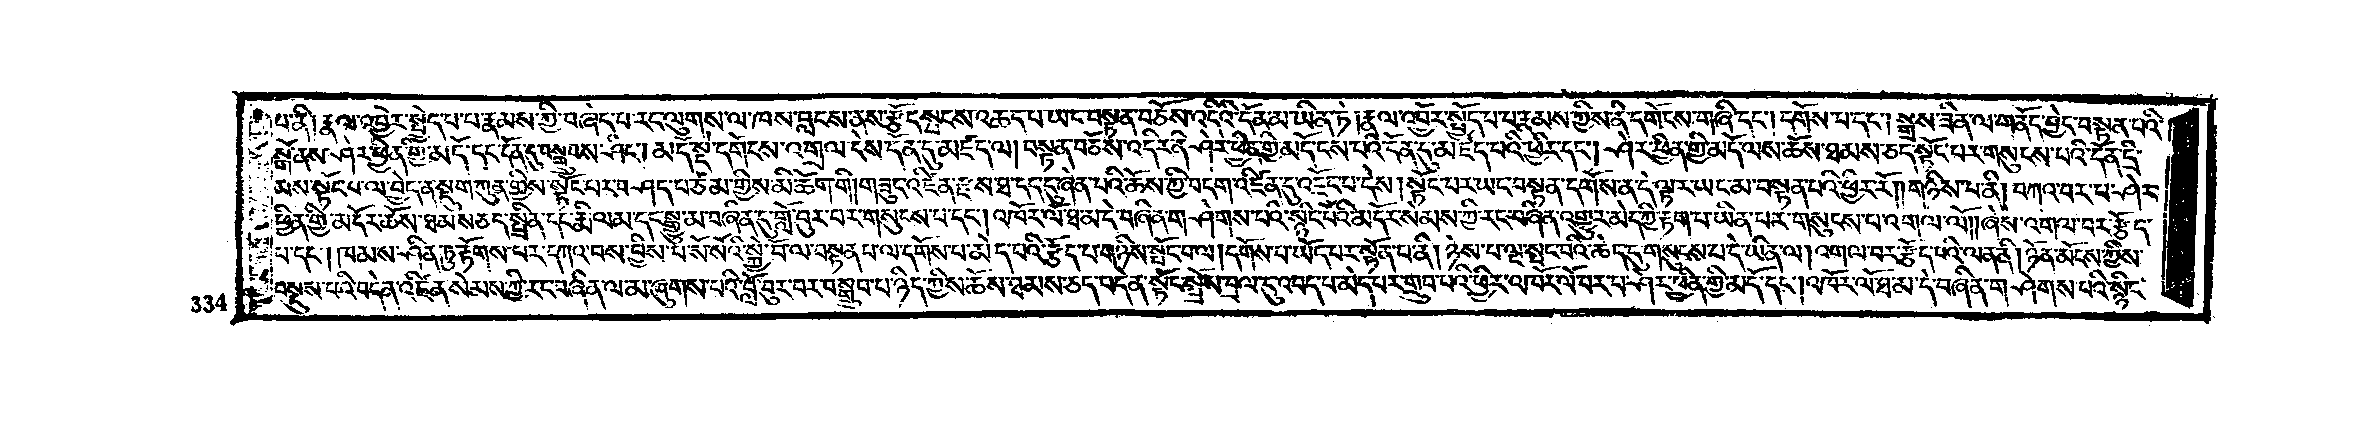པ་ནི། རྣལ་འབྱོར་སྤྱོད་པ་བ་རྣམས་ཀྱི་བཞེད་པ་རང་ལུགས་ལ་ཁས་བླངས་ནས་རྩོད་སྤངས་འཆད་པ་ཡང་བསྟན་བཅོས་འདིའི་དོན་མ་ཡིན་ཏེ། རྣལ་འབྱོར་སྤྱོད་པ་བ་རྣམས་ཀྱིས་ནི་དགོངས་གཞི་དང་། དགོས་པ་དང་། སྒྲས་ཟིན་ལ་གནོད་བྱེད་བསྟན་པའི་
སྒོ་ནས་ཤེར་ཕྱིན་གྱི་མདོ་དང་དོན་དུ་བསྒྲུབས་ཤིང་། མདོ་སྡེ་དགོངས་འགྲལ་ངེས་དོན་དུ་མཛད་ལ། བསྟན་བཅོས་འདིར་ནི་ཤེར་ཕྱིན་གྱི་མདོ་ངས་པའི་དོན་དུ་མཛད་པའི་ཕྱིར་དང་། ཤེར་ཕྱིན་གྱི་མདོ་ལས་ཆོས་ཐམས་ཅད་སྟོང་པར་གསུངས་པའི་དོན་དྲི་
མས་སྟོང་པ་ལ་བྱེད་ན་སྡུག་ཀུན་གྱིས་སྟོང་པར་བཤད་པ་ཙམ་གྱིས་མི་ཆོག་གི །གཟུང་འཛིན་རྫས་ཐ་དད་དུ་ཞེན་པའི་ཆོས་ཀྱི་བདག་འཛིན་དུ་འཇོད?་པ་དེས། སྟོང་པར་ཡང་བསྟན་དགོས་ན་དེ་ལྟར་ཡང་མ་བསྟན་པའི་ཕྱིར་རོ། །གཉིས་པ་ནི། བཀའ་བར་པ་ཤེར་
ཕྱིན་གྱི་མདོར་ཆོས་ཐམས་ཅད་སྤྲིན་དང་རྨི་ལམ་དང་སྒྱུ་མ་བཞིན་དུ་གློ་བུར་པར་གསུངས་པ་དང་། འཁོར་ལོ་ཐ་མ་དེས་བཞིན་གཤེགས་པའི་སྙིང་པོའི་མདོར་སེམས་ཀྱི་རང་བཞིན་འགྱུར་མེད་ཀྱི་རྟག་པ་ཡིན་པར་གསུངས་པ་འགལ་ལོ། །ཞེས་འགལ་བར་རྩོད་
པ་དང་། ཁམས་ཤིན་ཏུ་རྟོགས་པར་དཀའ་བས་བྱིས་པ་སོ་སོའི་སྐྱེ་བོ་ལ་བསྟན་པ་ལ་དགོས་པ་མེད་པའི་རྩོད་པ་གཉིས་སྤོང་བ་ལ། དགོས་པ་ཡོད་པར་སྟོན་པ་ནི། ཉེས་པ་ལྔ་སྤང་བའི་ཆེད་དུ་གསུངས་པ་དེ་ཡིན་ལ། འགལ་བར་རྩོད་པའི་ལན་ནི། ཉོན་མོངས་ཀྱིས་
བསྡུས་པའི་བདེན་འཛིན་སེམས་ཀྱི་རང་བཞིན་ལ་མ་ཞུགས་པའི་བློ་བུར་བར་བསྒྲུབ་པ་ཉིད་ཀྱིས་ཆོས་ཐམས་ཅད་བདེན་སྟོང་སྤྲོས་བྲལ་དུ་འབད་པ་མེད་པར་གྲུབ་པའི་ཕྱིར་འཁོར་ལོ་བར་བ་ཤེར་ཕྱིན་གྱི་མདོ་དང་། འཁོར་ལོ་ཐ་མ་དེ་བཞིན་གཤེགས་པའི་སྙིང་